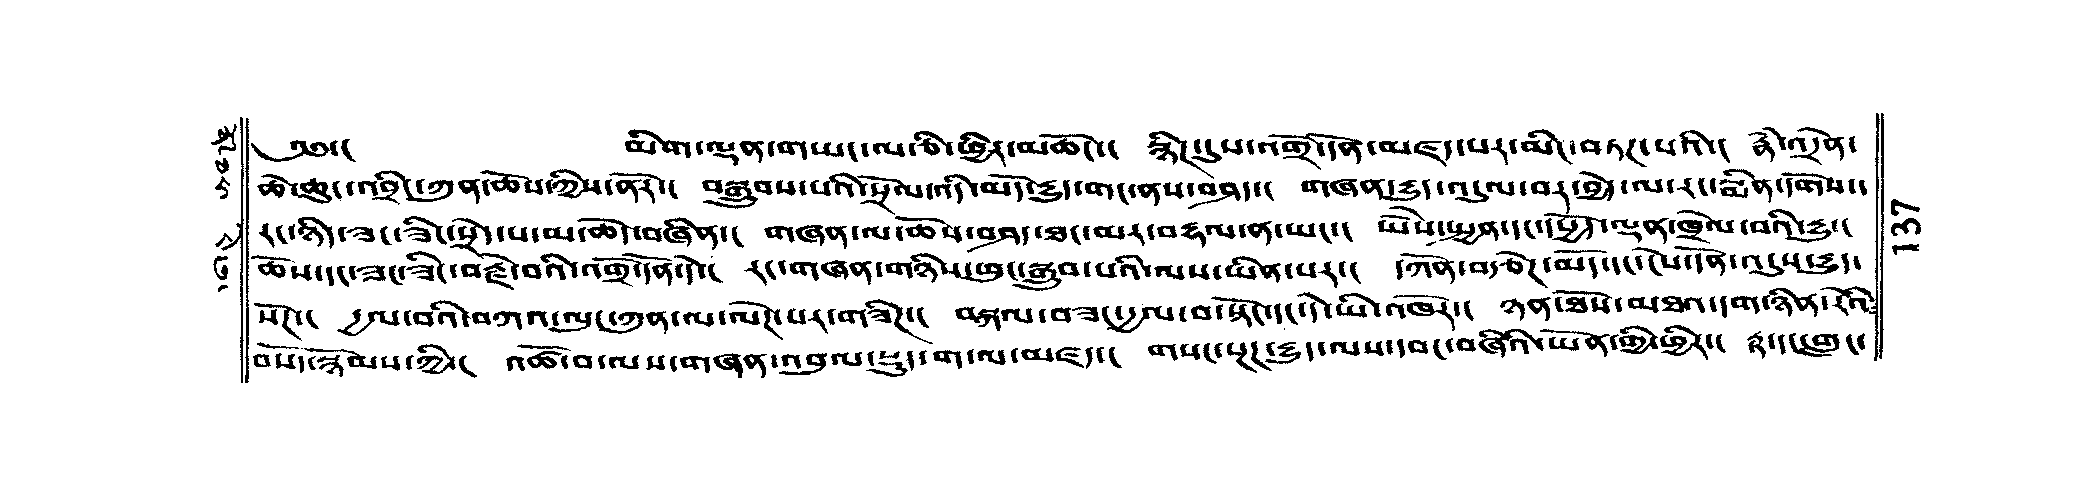མིག་ལྡན་གཡང་ལ་ཅི་ཕྱིར་མཆོང་། །སྙིགས་དུས་འགྲོ་དོན་མཛད་པར་མིང་བཏགས་པའི། །རྣམ་འདྲེན་
ཆེ་ཆུང་འབྲིང་ཀུན་ཆོས་ཀྱི་ནོར། །བསྒྲུབ་པའི་སྲོལ་འདི་མདོ་རྒྱུད་གང་ནས་བཤད། །གཞན་རྒྱུད་འདུལ་བར་བྱེད་ལ་རང་སྨིན་དགོས། །
རང་ཉིད་ཟང་ཟིང་སྲེད་པ་མ་ཆད་བཞིན། །གཞན་ལ་ཆོས་བཤད་ཐང་མར་བརྡལ་ན་ཡང་། །ཡེ་ཤེས་སྤྱན་དང་སྤྱོད་ལྡན་ཁྲེལ་བའི་རྒྱུ། །
ཆོས་དང་ཟང་ཟིང་བརྗེ་བའི་འགྲོ་དོན་དེ། །རང་གཞན་གཉིས་ཕུང་སྒྲུབ་པའི་ལས་ཡིན་པར། །དཀོན་བརྩེགས་མདོ་དང་ངེས་དོན་འདུས་རྒྱུད་
སོགས། །རྒྱལ་བའི་བཀའ་ལུང་ཀུན་ལ་ལེགས་པར་གཟིགས། །བསྐལ་བཟང་རྒྱལ་བ་སྟོང་དང་དེ་ཡི་འཁོར། །ཉན་ཐོས་མཐའ་དག་ཉིན་རེའི་
བསོད་སྙོམས་ཀྱི། །འཚོ་བ་ལས་གཞན་འབུལ་སྡུད་ག་ལ་མཛད། །གསང་སྔགས་རྒྱུད་ལས་དབང་བཞིའི་ཡོན་གྱི་ཕྱིར། །རྟ་དང་གླང་